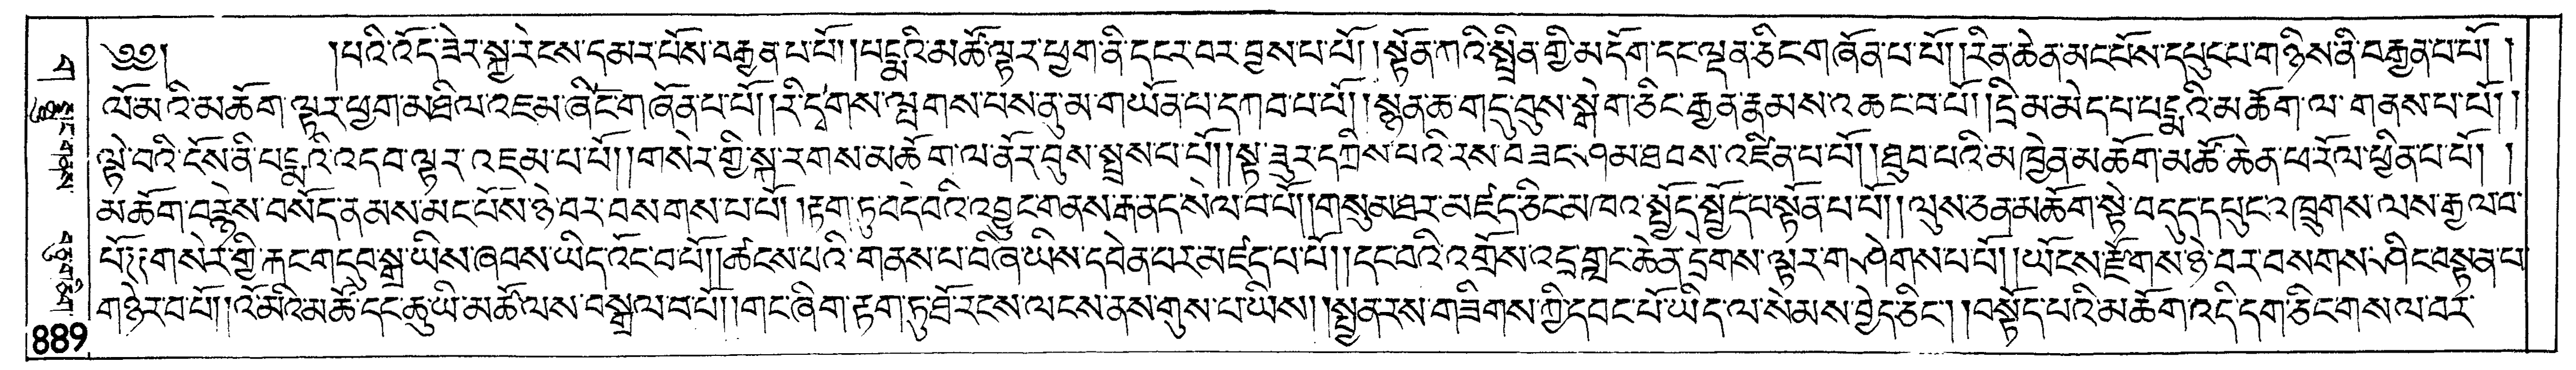༄༅། །པའི་འོད་ཟེར་སྐྱ་རེངས་དམར་པོས་བརྒྱན་པ་པོ། །པདམའི་མཚོ་ལྟར་ཕྱག་ནི་དངར་བར་བྱས་པ་པོ། །སྟོན་ཀའི་སྤྲིན་གྱི་མདོག་དང་ལྡན་ཅིང་གཞོན་པ་པོ། །རིན་ཆེན་མང་པོས་དཔུང་པ་གཉིས་ནི་བརྒྱན་པ་པོ། །
ལོ་མའི་མཆོག་ལྟར་ཕྱག་མཐིལ་འཇམ་ཞིང་གཞོན་པ་པོ། །རི་དྭགས་ལྤགས་པས་ནུ་མ་གཡོན་པ་དཀབ་པ་པོ། །སྙན་ཆ་གདུ་བུས་སྒེག་ཅིང་རྒྱན་རྣམས་འཆང་བ་པོ། །དྲི་མ་མེད་པ་པདམའི་མཆོག་ལ་གནས་པ་པོ། །
ལྟེ་བའི་ངོས་ནི་པདམའི་འདབ་ལྟར་འཇམ་པ་པོ། །གསེར་གྱི་སྐ་རགས་མཆོག་ལ་ནོར་བུས་སྤྲས་པ་པོ། །སྟ་ཟུར་དཀྲིས་པའི་རས་བཟང་ཤམ་ཐབས་འཛིན་པ་པོ། །ཐུབ་པའི་མཁྱེན་མཆོག་མཚོ་ཆེན་ཕ་རོལ་ཕྱིན་པ་པོ། །
མཆོག་བརྙེས་བསོད་ནམས་མང་པོས་ཉེ་བར་བསགས་པ་པོ། །རྟག་ཏུ་བདེ་བའི་འབྱུང་གནས་རྒ་ནད་སེལ་བ་པོ། །གསུམ་ཐར་མཛད་ཅིང་མཁའ་སྤྱོད་སྤྱོད་པ་སྟོན་པ་པོ། །ལུས་ཅན་མཆོག་སྟེ་བདུད་དཔུང་འཁྲུགས་ལས་རྒྱལ་བ་
པོ༑ ༑གསེར་གྱི་རྐང་གདུབ་སྒྲ་ཡིས་ཞབས་ཡིད་འོང་བ་པོ། །ཚངས་པའི་གནས་པ་བཞི་ཡིས་དབེན་པར་མཛད་པ་པོ། །དང་བའི་འགྲོས་འདྲ་གླང་ཆེན་དྲེགས་ལྟར་གཤེགས་པ་པོ། །ཡོངས་རྫོགས་ཉེ་བར་བསགས་ཤིང་བསྟན་པ་
གཉེར་བ་པོ། །འོ་མའི་མཚོ་དང་ཆུ་ཡི་མཚོ་ལས་བསྒྲལ་བ་པོ། །གང་ཞིག་རྟག་ཏུ་ཐོ་རངས་ལངས་ནས་གུས་པ་ཡིས། །སྤྱན་རས་གཟིགས་ཀྱི་དབང་པོ་ཡིད་ལ་སེམས་བྱེད་ཅིང་། །བསྟོད་པའི་མཆོག་འདི་དག་ཅིང་གསལ་བར་